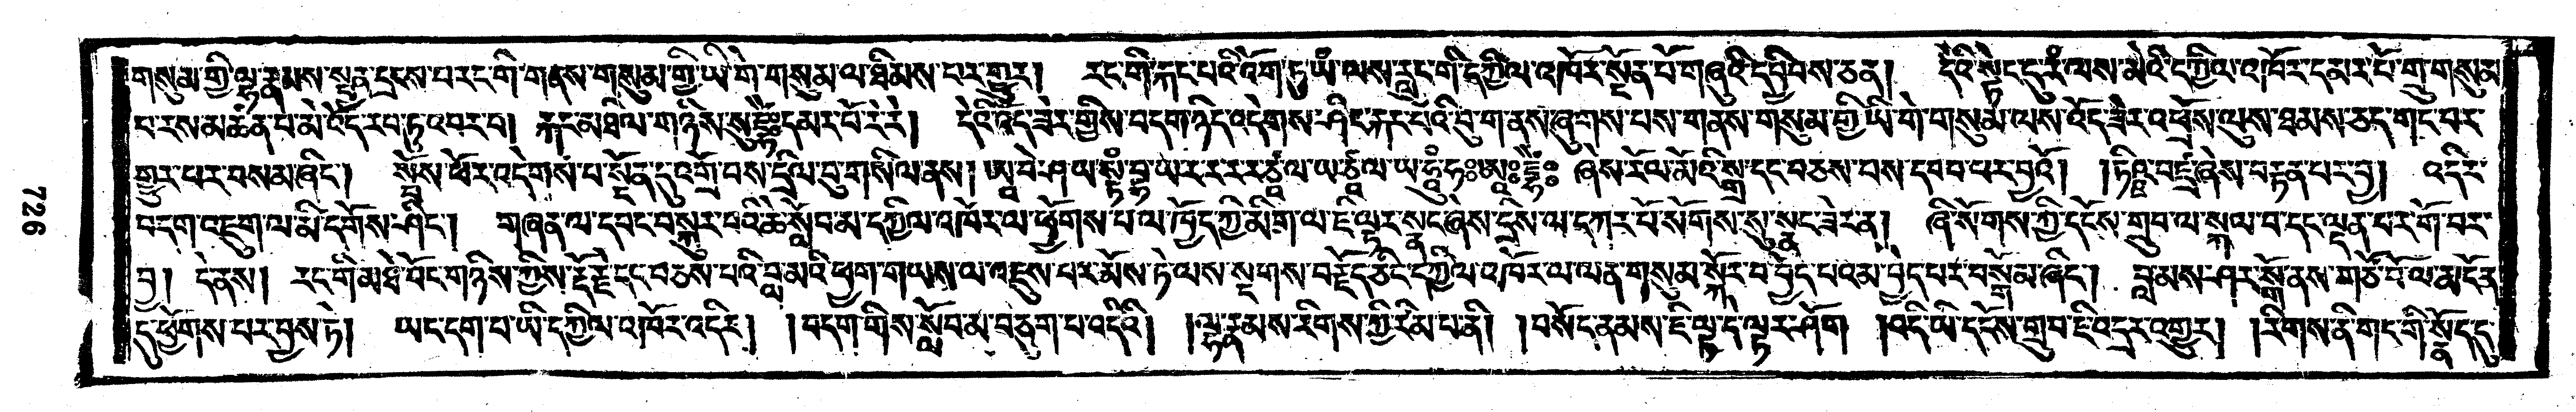གསུམ་གྱི་ལྷ་རྣམས་སྤྱན་དྲངས་པ་རང་གི་གནས་གསུམ་གྱི་ཡི་གེ་གསུམ་ལ་ཐིམས་པར་གྱུར། རང་གི་རྐང་པའི་འོག་ཏུ་ཡཾ་ལས་རླུང་གི་དཀྱིལ་འཁོར་སྔོན་པོ་གཞུའི་དབྱིབས་ཅན། དེའི་སྟེང་དུ་རཾ་ལས་མེའི་དཀྱིལ་འཁོར་དམར་པོ་གྲུ་གསུམ་
པ་རས་མཚན་པ་མེ་འོད་རབ་ཏུ་འབར་བ། རྐང་མཐིལ་གཉིས་སུ་ཛྷཻཿ དམར་པོ་རེ་རེ། དེའི་འོད་ཟེར་གྱིས་བདག་ཉིད་འདེགས་ཤིང་རྐང་པའི་བུ་གནས་ཞུགས་པས་གནས་གསུམ་གྱི་ཡི་གེ་གསུམ་ལས་འོད་ཟེར་འཕྲོས་ལུས་ཐམས་ཅད་གང་བར་
གྱུར་པར་བསམ་ཞིང་། སྦོས་ཕོར་འདེགས་པ་སྔོན་དུ་འགྲོ་བས་དྲིལ་བུ་གསིལ་ནས། ཨཱ་བེ་ཤ་ཡ་སྟཾ་བྷ་ཡ་ར་ར་ར་ར་ཙཱ་ལ་ཡ་ཙཱ་ལ་ཡ་ཧཱུཾ་ཧཿཨཱཿཛྷཻཿ ཞེས་རོལ་མོའི་སྒྲ་དང་བཅས་པས་དབབ་པར་བྱའོ། །ཏིཥཊཿཨ་བཛྲ་ཞེས་བརྟན་པར་བྱ། འདིར་
བདག་འཇུག་ལ་མི་དགོས་ཤིང་། གཞན་ལ་དབང་བསྐུར་བའི་ཆེ་སློབ་མ་དཀྱིལ་འཁོར་ལ་ཕྱོགས་པ་ལ་ཁྱོད་ཀྱི་མིག་ལ་ཇི་ལྟར་སྣང་ཞེས་དྲིས་ལ་དཀར་པོ་སོགས་སུ་སྣང་ཟེར་ན། ཞི་སོགས་ཀྱི་དངོས་གྲུབ་ལ་སྐལ་བ་དང་ལྡན་པར་གོ་བར་
བྱ། དེ་ནས། རང་གི་མཐེ་བོང་གཉིས་ཀྱིས་རྡོ་རྗེ་དང་བཅས་པའི་བླ་མའི་ཕྱག་གཡས་ལ་འཇུས་པར་མོས་ཏེ་ལས་སྔགས་བརྗོད་ཅིང་དཀྱིལ་འཁོར་ལ་ལན་གསུམ་སྐོར་བ་བྱེད་པའམ་བྱེད་པར་བསྒོམ་ཞིང་། བླ་མས་ཤར་སྒོ་ནས་གཙོ་བོ་ལ་མངོན་
དུ་ཕྱོགས་པར་བྱས་ཏེ། ཡང་དག་པ་ཡི་དཀྱིལ་འཁོར་འདིར། །བདག་གིས་སློབ་མ་བཅུག་པ་འདིའི། །ལྷ་རྣམས་རིགས་ཀྱི་རིམ་པ་ནི། །བསོད་ནམས་ཇི་ལྟ་དེ་ལྟར་ཤོག །འདི་ཡི་དངོས་གྲུབ་ཇི་འདྲར་འགྱུར། །རིགས་ནི་གང་གི་སྣོད་དུ་